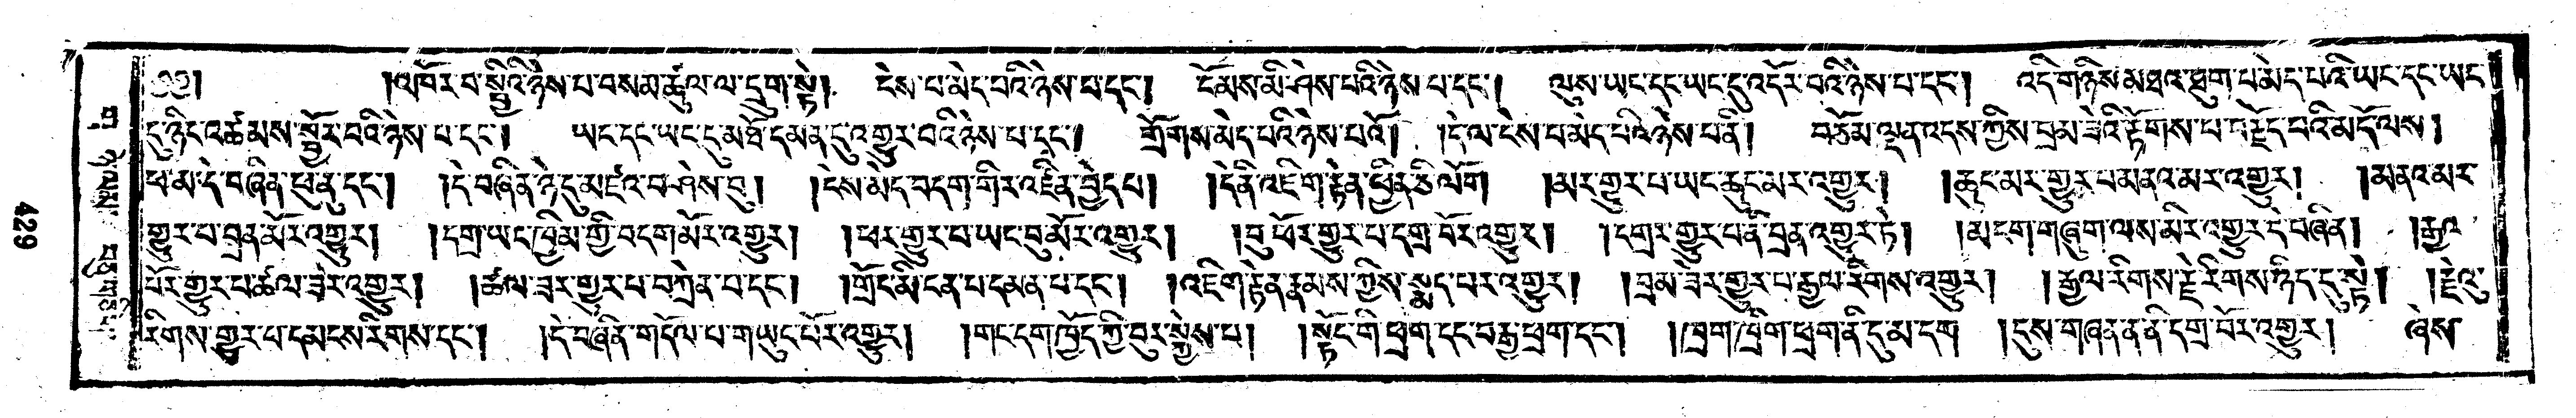༄༅། །འཁོར་བ་སྤྱིའི་ཉེས་པ་བསམ་ཚུལ་ལ་དྲུག་སྟེ། ངེས་པ་མེད་པའི་ཉེས་པ་དང་། ངོམས་མི་ཤེས་པའི་ཉེས་པ་དང་། ལུས་ཡང་དང་ཡང་དུ་འདོར་བའི་ཉེས་པ་དང་། འདི་གཉིས་མཐའ་ཐུག་པ་མེད་པའི་ཡང་དང་ཡང་
དུ་ཉིང་འཚམས་སྦྱོར་བའི་ཉེས་པ་དང་། ཡང་དང་ཡང་དུ་མཐོ་དམན་དུ་འགྱུར་བའི་ཉེས་པ་དང་། གྲོགས་མེད་པའི་ཉེས་པའོ། །དེ་ལ་ངེས་པ་མེད་པའི་ཉེས་པ་ནི། བཅོམ་ལྡན་འདས་ཀྱིས་བྲམ་ཟེའི་རྟོགས་པ་བརྗོད་པའི་མདོ་ལས།
ཕ་མ་དེ་བཞིན་ཕུ་ནུ་དང་། །དེ་བཞིན་ཉེ་དུ་མཛའ་བ་ཤེས་བུ། །ངེས་མེད་བདག་གིར་འཛིན་བྱེད་པ། །དེ་ནི་འཇིག་རྟེན་ཕྱིན་ཅི་ལོག །མར་གྱུར་པ་ཡང་ཆུང་མར་འགྱུར། །ཆུང་མར་གྱུར་པ་མནའ་མར་འགྱུར། །མནའ་མར་
གྱུར་པ་བྲན་མོར་འགྱུར། །དགྲ་ཡང་ཁྱིམ་གྱི་བདག་མོར་འགྱུར། །ཕར་གྱུར་པ་ཡང་བུ་མོར་འགྱུར། །བུ་ཕོར་གྱུར་པ་དགྲ་བོར་འགྱུར། །དགྲར་གྱུར་པ་ནི་བྲན་འགྱུར་ཏེ། །མངག་གཞུག་ལས་མི་འགྱུར་དེ་བཞིན། །རྒྱལ་
པོར་གྱུར་པ་ཚལ་ཟེར་འགྱུར། །ཚལ་ཟར་གྱུར་པ་བཀྲེན་པ་དང་། །གྲོང་མི་ངན་པ་དམན་པ་དང་། །འཇིག་རྟེན་རྣམས་ཀྱིས་སྨད་པར་འགྱུར། །བྲམ་ཟེར་གྱུར་པ་རྒྱལ་རིགས་འགྱུར། །རྒྱལ་རིགས་རྗེ་རིགས་ཉིད་དུ་སྟེ། །རྗེའུ་
རིགས་གྱུར་པ་དམངས་རིགས་དང་། །དེ་བཞིན་གདོལ་པ་གཡུང་པོར་འགྱུར། །གང་དག་ཁྱོད་ཀྱི་བུར་སྐྱེས་པ། །སྟོང་གི་ཕྲག་དང་བརྒྱ་ཕྲད་དང་། །ཁྲག་ཁྲིག་ཕྲག་ནི་དུ་མ་དག །དུས་གཞན་ན་ནི་དགྲ་བོར་འགྱུར། ཞེས་